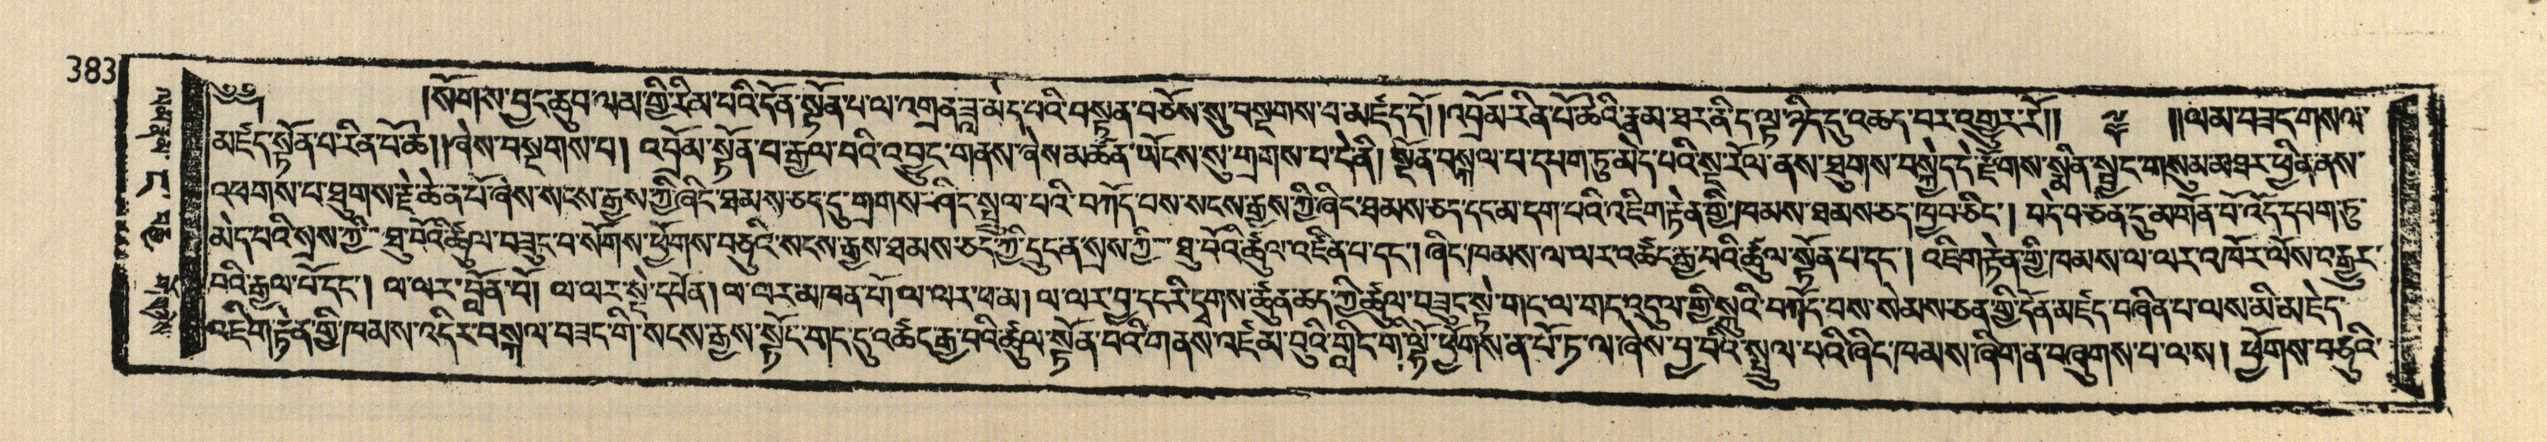༄༅། །སོགས་བྱང་ཆུབ་ལམ་གྱི་རིམ་པའི་དོན་སྟོན་པ་ལ་འགྲན་ཟླ་མེད་པའི་བསྟན་བཅོས་སུ་བསྔགས་པ་མཛད་དོ། །འབྲོམ་རིན་པོ་ཆེའི་རྣམ་ཐར་ནི་ད་ལྟ་ཉིད་དུ་འཆད་བར་འགྱུར་རོ།། ༈ །།ལམ་བཟང་གསལ་
མཛད་སྟོན་པ་རིན་པོ་ཆེ། །ཞེས་བསྔགས་པ། འབྲོམ་སྟོན་པ་རྒྱལ་བའི་འབྱུང་གནས་ཞེས་མཚན་ཡོངས་སུ་གྲགས་པ་དེ་ནི། སྔོན་བསྐལ་པ་དཔག་ཏུ་མེད་པའི་སྔ་རོལ་ནས་ཐུགས་བསྐྱེད་དེ་རྫོགས་སྨིན་སྦྱང་གསུམ་མཐར་ཕྱིན་ནས་
འཕགས་པ་ཐུགས་རྗེ་ཆེན་པོ་ཞེས་སངས་རྒྱས་ཀྱི་ཞིང་ཐམས་ཅད་དུ་གྲགས་ཤིང་སྤྲུལ་པའི་བཀོད་པས་སངས་རྒྱས་ཀྱི་ཞིང་ཐམས་ཅད་དང་མ་དག་པའི་འཇིག་རྟེན་གྱི་ཁམས་ཐམས་ཅད་ཁྱབ་ཅིང་། བདེ་བ་ཅན་དུ་མགོན་པོ་འོད་དཔག་ཏུ་
མེད་པའི་སྲས་ཀྱི་ཐུ་བོའི་ཚུལ་བཟུང་བ་སོགས་ཕྱོགས་བཅུའི་སངས་རྒྱས་ཐམས་ཅད་ཀྱི་དྲུང་ན་སྲས་ཀྱི་ཐུ་བོའི་ཚུལ་འཛིན་པ་དང་། ཞིང་ཁམས་ལ་ལར་འཚང་རྒྱ་བའི་ཚུལ་སྟོན་པ་དང་། འཇིག་རྟེན་གྱི་ཁམས་ལ་ལར་འཁོར་ལོས་འྲྒྱུར་
བའི་རྒྱལ་པོ་དང་། ལ་ལར་བློན་པོ། ལ་ལར་སྡེ་དཔོན། ལ་ལར་མཁན་པོ། ལ་ལར་ཕ་མ། ལ་ལར་བྱ་དང་རི་དྭགས་ཚུན་ཆད་ཀྱི་ཚུལ་བཟུང་སྟེ་གང་ལ་གང་འདུལ་གྱི་སྐུའི་བཀོད་པས་སེམས་ཅན་གྱི་དོན་མཛད་བཞིན་པ་ལས་མི་མཇེད་
འཇིག་རྟེན་གྱི་ཁམས་འདིར་བསྐལ་བཟང་གི་སངས་རྒྱས་སྟོང་གང་དུ་འཚང་རྒྱ་བའི་ཚུལ་སྟོན་པའི་གནས་འཛམ་བུའི་གླིང་གི་ལྷོ་ཕྱོགས་ན་པོ་ཏ་ལ་ཞེས་བྱ་བའི་སྤྲུལ་པའི་ཞིང་ཁམས་ཞིག་ན་བཞུགས་པ་ལས། ཕྱོགས་བཅུའི་